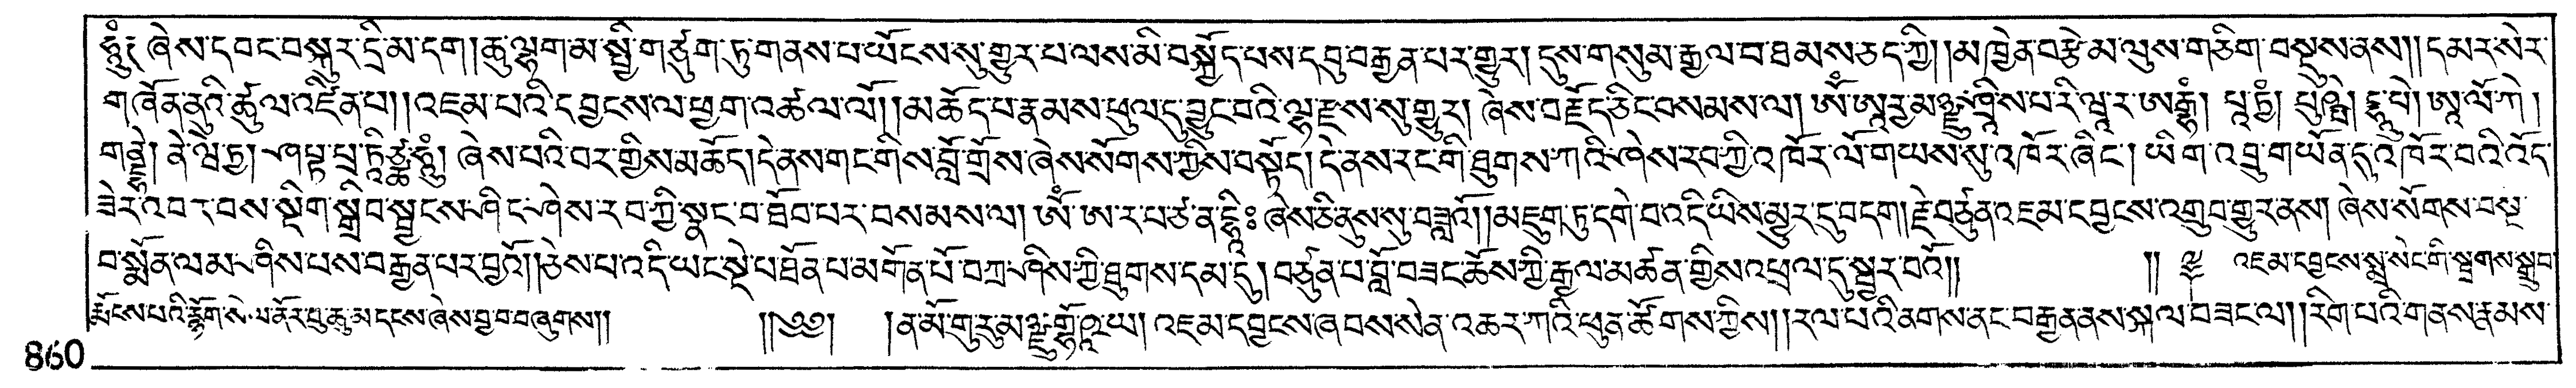ཧཱུཾ༑ ཞེས་དབང་བསྐུར་དྲི་མ་དག །ཆུ་ལྷག་མ་སྤྱི་གཙུག་ཏུ་གནས་པ་ཡོངས་སུ་གྱུར་པ་ལས་མི་བསྐྱོད་པས་དབུ་བརྒྱན་པར་གྱུར། དུས་གསུམ་རྒྱལ་བ་ཐམས་ཅད་ཀྱི། །མཁྱེན་བརྩེ་མ་ལུས་གཅིག་བསྡུས་ནས། །དམར་སེར་
གཞོན་ནུའི་ཚུལ་འཛིན་པ། །འཇམ་པའི་དབྱངས་ལ་ཕྱག་འཚལ་ལོ། །མཆོད་པ་རྣམས་ཕུལ་དུ་བྱུང་བའི་ལྷ་རྫས་སུ་གྱུར། ཞེས་བརྗོད་ཅིང་བསམས་ལ། ཨོཾ་ཨཱརྱ་མཉྫུ་ཤྲཱི་ས་པ་རི་ཝཱ་ར་ཨརྒྷཾ། པཱ་ཏྱཾ། པུཥྤེ། དྷཱུ་པེ། ཨཱ་ལོ་ཀེ །
གནྡྷེ། ནེ་ཝེ་ཏྱ། ཤཔྟ་པྲ་ཏཱི་ཙྪ་ཧཱུཾ། ཞེས་པའི་བར་གྱིས་མཆོད། དེ་ནས་གང་གིས་བློ་གྲོས་ཞེས་སོགས་ཀྱིས་བསྟོད། དེ་ནས་རང་གི་ཐུགས་ཀའི་ཤེས་རབ་ཀྱི་འཁོར་ལོ་གཡས་སུ་འཁོར་ཞིང་། ཡིག་འབྲུ་གཡོན་དུ་འཁོར་བའི་འོད་
ཟེར་འབར་བས་སྡིག་སྒྲིབ་སྦྱངས་ཤིང་ཤེས་རབ་ཀྱི་སྣང་བ་ཐོབ་པར་བསམས་ལ། ཨོཾ་ཨ་ར་པ་ཙ་ན་དྷཱིཿ ཞེས་ཅི་ནུས་སུ་བཟླའོ། །མཇུག་ཏུ་དགེ་བ་འདི་ཡིས་མྱུར་དུ་བདག །རྗེ་བཙུན་འཇམ་དབྱངས་འགྲུབ་གྱུར་ནས། ཞེས་སོགས་བསྔོ་
བ་སྨོན་ལམ་ཤིས་པས་བརྒྱན་པར་བྱའོ། །ཅེས་པ་འདི་ཡང་སྡེ་པ་ཐོན་པ་མགོན་པོ་བཀྲ་ཤིས་ཀྱི་ཐུགས་དམ་དུ། བཙུན་པ་བློ་བཟང་ཆོས་ཀྱི་རྒྱལ་མཚན་གྱིས་འཕྲལ་དུ་སྦྱར་བའོ།། །། ༈ འཇམ་དབྱངས་སྨྲ་སེང་གི་སྦྲགས་སྒྲུབ་
རྨོངས་པའི་རྙོག་སེལ་ནོར་བུ་ཆུ་མདངས་ཞེས་བྱ་བ་བཞུགས།། །།༄༅། །ན་མོ་གུ་རུ་མཉྫུ་གྷོ་ཥཱ་ཡ། འཇམ་དབྱངས་ཞབས་སེན་འཆར་ཀའི་ཕུན་ཚོགས་ཀྱིས། །རལ་པའི་ནགས་ནང་བརྒྱན་ནས་སྐལ་བཟང་ལ། །རིག་པའི་གནས་རྣམས་